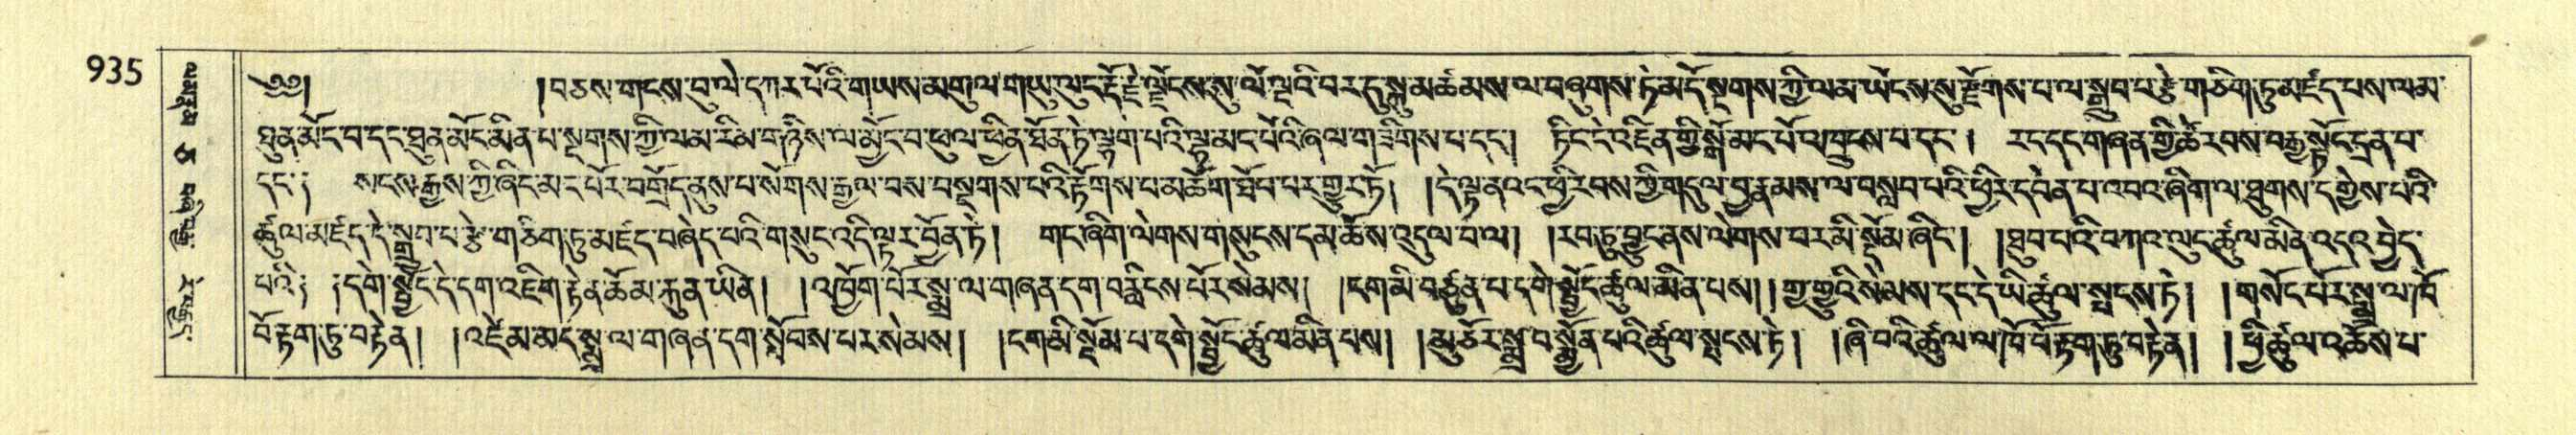༄༅། །བཅས་གངས་བུ་ལེ་དཀར་པོའི་གཡས་མགུལ་གཡུ་ལུང་རྡོ་རྗེ་ལྗོངས་སུ་ལོ་ལྔའི་བར་དུ་སྐུ་མཚམས་ལ་བཞུགས་ཏེ་མདོ་སྔགས་ཀྱི་ལམ་ཡོངས་སུ་རྫོགས་པ་ལ་སྒྲུབ་པ་རྩེ་གཅིག་ཏུ་མཛད་པས་ལམ་
ཐུན་མོང་བ་དང་ཐུན་མོང་མིན་པ་སྔགས་ཀྱི་ལམ་རིམ་གཉིས་ལ་མྱོང་བ་ཕུལ་ཕྱིན་ཐོན་ཏེ་ལྷག་པའི་ལྷ་མང་པོའི་ཞལ་གཟིགས་པ་དང་། ཏིང་ངེ་འཛིན་གྱི་སྒོ་མང་པོ་འཁྲུངས་པ་དང་། རང་དང་གཞན་གྱི་ཚེ་རབས་བརྒྱ་སྟོང་དྲན་པ་
དང༑ སངས་རྒྱས་ཀྱི་ཞིང་མང་པོར་བགྲོད་ནུས་པ་སོགས་རྒྱལ་བས་བསྔགས་པའི་རྟོགས་པ་མཆོག་ཐོབ་པར་གྱུར་ཏོ། །དེ་ལྟ་ནའང་ཕྱི་རབས་ཀྱི་གདུལ་བྱ་རྣམས་ལ་བསླབ་པའི་ཕྱིར་དབེན་པ་འབའ་ཞིག་ལ་ཐུགས་དགྱེས་པའི་
ཚུལ་མཛད་དེ་སྒྲུབ་པ་རྩེ་གཅིག་ཏུ་མཛད་བཞེད་པའི་གསུང་འདི་ལྟར་བྱོན་ཏེ། གང་ཞིག་ལེགས་གསུངས་དམ་ཆོས་འདུལ་བ་ལ། །རབ་ཏུ་བྱུང་ནས་ལེགས་པར་མི་སྡོམ་ཞིང་། །ཐུབ་པའི་བཀའ་ལུང་ཚུལ་མིན་འདའ་བྱེད་
པའི༑ ༑དགེ་སྦྱོང་དེ་དག་འཇིག་རྟེན་ཆོ་མ་རྐུན་ཡིན། །འཁྱོག་པོར་སྨྲ་ལ་གཞན་དག་བརླིངས་པོར་སེམས། །ངག་མི་བཙུན་པ་དགེ་སྦྱོང་ཚུལ་མིན་པས། །གྱ་གྱུའི་སེམས་དང་དེ་ཡི་ཚུལ་སྤངས་ཏེ། །གསོང་པོར་སྨྲ་ལ་ཁོ་
བོ་རྟག་ཏུ་བརྟེན། །འཛེམ་མད་སྨྲ་ལ་གཞན་དག་སྨོབས་པར་སེམས། །ངག་མི་སྡོམ་པ་དགེ་སྦྱོང་ཚུལ་མིན་པས། །མུ་ཅོར་སྨྲ་བ་སྨྱོན་པའི་ཚུལ་སྤངས་ཏེ། །ཞི་བའི་ཚུལ་ལ་ཁོ་བོ་རྟག་ཏུ་བརྟེན། །ཕྱི་ཚུལ་འཆོས་པ་